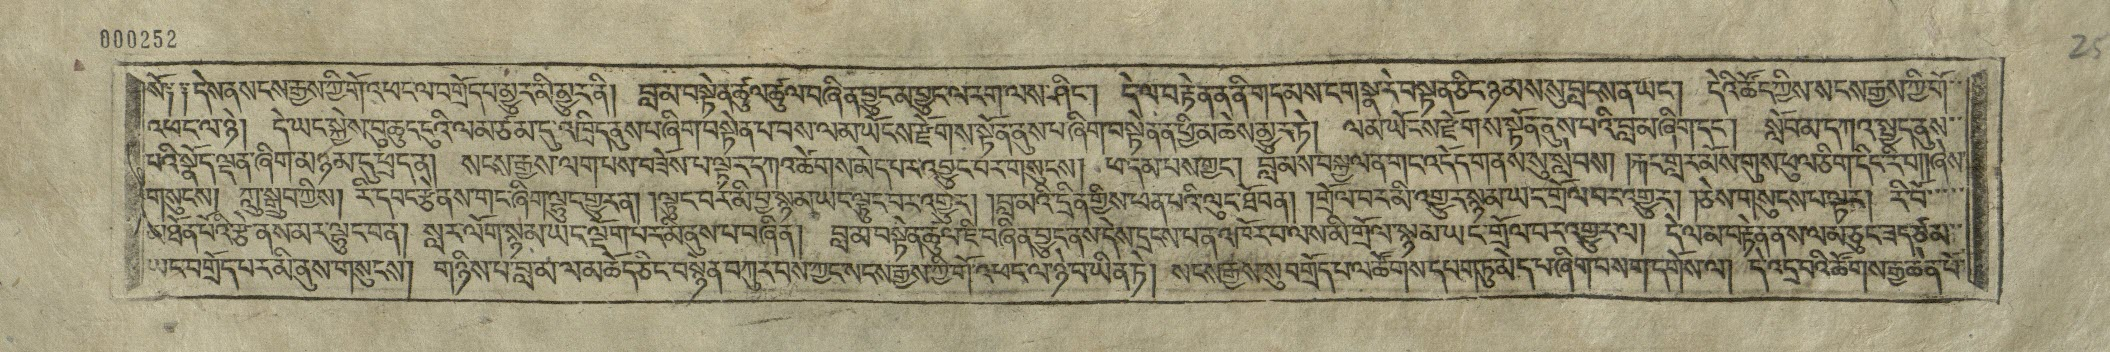སོ༑ ༑དེས་ནས་སངས་རྒྱས་ཀྱི་གོ་འཕང་ལ་བགྲོད་པ་མྱུར་མི་མྱུར་ནི། བླ་མ་བསྟེན་ཚུལ་ཚུལ་བཞིན་བྱུང་མ་བྱུང་ལ་རག་ལས་ཤིང་། དེ་ལ་བརྟེན་ན་ནི་གདམས་ངག་སྣ་རེ་བསྟན་ཅིང་ཉམས་སུ་བླངས་ན་ཡང་། དེའི་ཚོད་ཀྱིས་སངས་རྒྱས་ཀྱི་གོ་
འཕང་ལ་ཉེ། དེ་ཡང་སྐྱེས་བུ་ཆུང་ངུའི་ལམ་ཙམ་དུ་འཁྲིད་ནུས་པ་ཞིག་བསྟེན་པ་བས་ལམ་ཡོངས་རྫོགས་སྟོན་ནུས་པ་ཞིག་བསྟེན་ན་ཕྱི་མ་ཆེས་མྱུར་ཏེ། ལམ་ཡོངས་རྫོགས་སྟོན་ནུས་པའི་བླ་མ་ཞིག་དང་། སློབ་མ་དཀའ་སྤྱད་ནུས་
པའི་སྣོད་ལྡན་ཞིག་མཉམ་དུ་ཕྲད་ན། སངས་རྒྱས་ལག་པས་བཟོས་པ་ལྟར་དཀའ་ཚེགས་མེད་པར་འབྱུང་བར་གསུངས། ཕ་དམ་པས་ཀྱང་། བླ་མས་བསྐྱལ་ན་གང་འདོད་གནས་སུ་སླེབས། །རྐང་གླར་མོས་གུས་ཕུལ་ཅིག་དིང་རི་བ། །ཞེས་
གསུངས། ཀླུ་སྒྲུབ་ཀྱིས། རི་དབང་རྩེ་ནས་གང་ཞིག་ལྷུང་གྱུར་ན། །ལྟུང་བར་མི་བྱ་སྙམ་ཡང་ལྟུང་བར་འགྱུར། །བླ་མའི་དྲིན་གྱིས་ཕན་པའི་ལུང་ཐོབ་ན། །གྲོལ་བར་མི་འགྱུར་སྙམ་ཡང་གྲོལ་བར་འགྱུར། །ཅེས་གསུངས་པ་ལྟར། རི་བོ་
མཐོན་པོའི་རྩེ་ནས་མར་ལྷུང་བ་ན། སླར་ལོག་སྙམ་ཡང་ལྡོག་པར་མི་ནུས་པ་བཞིན། བླ་མ་བསྟེན་ཚུལ་ཇི་བཞིན་བྱུང་ནས་དེས་དྲངས་པ་ན་འཁོར་བ་ལས་མི་གྲོལ་སྙམ་ཡང་གྲོལ་བར་འགྱུར་ལ། དེ་ལ་མ་བརྟེན་ནས་ལམ་ཅུང་ཟད་ཙམ་
ཡང་བགྲོད་པར་མི་ནུས་གསུངས། གཉིས་པ་བླ་མ་ལ་མཆོད་ཅིང་བསྙེན་བཀུར་བ་ཀྱང་སངས་རྒྱས་ཀྱི་གོ་འཕང་ལ་ཉེ་བ་ཡིན་ཏེ། སངས་རྒྱས་སུ་བགྲོད་པ་ལ་ཚོགས་དཔག་ཏུ་མེད་པ་ཞིག་བསག་དགོས་ལ། དེ་འདྲ་བའི་ཚོགས་རྒྱ་ཆེན་པོ་